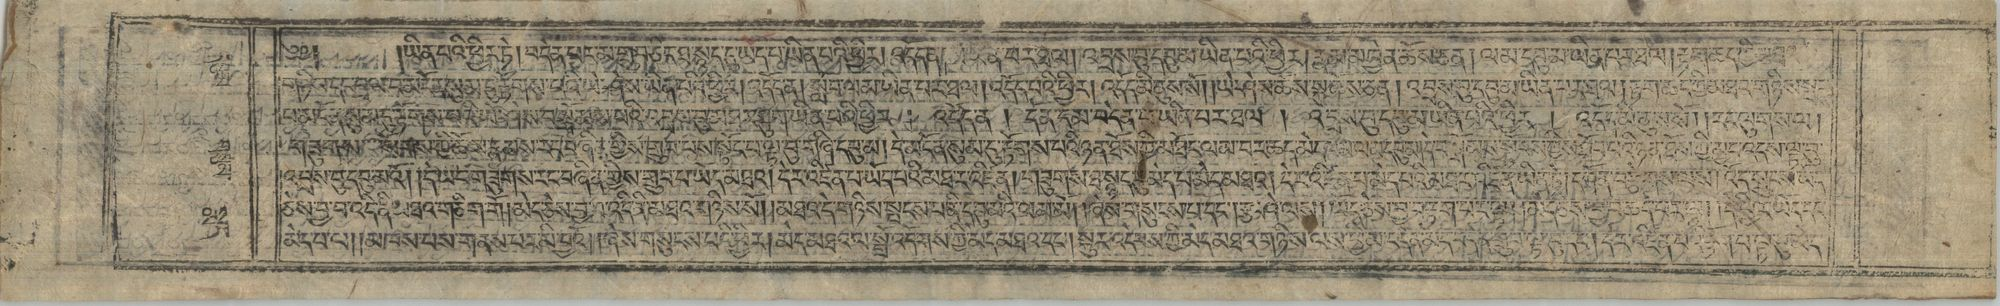༄༅། །ཡིན་པའི་ཕྱིར་ཏེ། བདེན་པར་མ་གྲུབ་ཅིང་ཐ་སྙད་དུ་ཡོད་པ་ཡིན་པའི་ཕྱིར། འདོད་ན། མ་ཡིན་པར་ཐལ། འབྲས་བུ་དབུ་མ་ཡིན་པའི་ཕྱིར། རྣམ་མཁྱེན་ཆོས་ཅན། ལམ་དབུ་མ་ཡིན་པར་ཐལ། རྟག་ཆད་ཀྱི་མཐའ་
གཉིས་དང་བྲལ་བ་མངོན་སུམ་དུ་རྟོགས་པའི་ཡེ་ཤེས་ཡིན་པའི་ཕྱིར། འདོད་ན། སློབ་ལམ་ཡིན་པར་ཐལ། འདོད་པའི་ཕྱིར། འདོད་མི་ནུས་སོ། །ཡེ་ཤེས་ཆོས་སྐུ་ཆོས་ཅན། འབྲས་བུ་དབུ་མ་ཡིན་པར་ཐལ། རྟག་ཆད་ཀྱི་མཐའ་གཉིས་སྤངས་
པ་མངོན་སུམ་དུ་རྟོགས་པའི་ཡེ་ཤེས་བསྒོམས་པའི་འབྲས་བུ་མཐར་ཐུག་ཡིན་པའི་ཕྱིར། འདོད་ན། དོན་དམ་བདེན་པ་ཡིན་པར་ཐལ། འབྲས་བུ་དབུ་མ་ཡིན་པའི་ཕྱིར། འདོད་མི་ནུས་སོ། །རང་ལུགས་ལ།
གཟུགས་སོགས་ཀྱི་ཆོས་རྣམས་རང་བཞིན་གྱིས་གྲུབ་པས་སྟོང་པ་ལྟ་བུ་གཞི་དབུ་མ། དེ་མངོན་སུམ་དུ་རྟོགས་པའི་ཉན་ཐོས་ཀྱི་མཐོང་ལམ་བར་ཆད་མེད་ལམ་ལམ་དབུ་མ། དེ་བསྒོམས་སྟོབས་ཀྱིས་ཐོབ་པའི་ཉན་ཐོས་ཀྱི་མྱང་འདས་ལྟ་བུ་
འབྲས་བུ་དབུ་མའོ། །དེ་ཡང་གཟུགས་རང་བཞིན་གྱིས་གྲུབ་པ་ཡོད་མཐའ། དེར་འཛིན་པ་ཡོད་པའི་མཐར་འཛིན། གཟུགས་ཐ་སྙད་དུ་མེད་པ་མེད་མཐའ། དེར་འཛིན་པ་མེད་པའི་མཐར་འཛིན་ཡིན་ཏེ། དཀོན་བརྩེགས་ལས། འོད་སྲུངས་ཡོད་
ཅེས་བྱ་བ་འདི་ནི་མཐའ་གཅིག་གོ། མེད་ཅེས་བྱ་བ་འདི་ནི་མཐའ་གཉིས་སོ། །མཐའ་དེ་གཉིས་སྤངས་པ་ནི་དབུ་མའི་ལམ་མོ། །ཞེས་གསུངས་པ་དང་། རྩ་ཤེ་ལས། ཡོད་ཅེས་བྱ་བ་རྟག་པར་ལྟ། །མེད་ཅེས་བྱ་བ་ཆད་པར་ལྟ། །དེ་ཕྱིར་ཡོད་དང་
མེད་པ་ལ། །མཁས་པས་གནས་པར་མི་བྱའོ། །ཞེས་གསུངས་པའི་ཕྱིར། མེད་མཐའ་ལ་སྒྲོ་འདོགས་ཀྱི་མེད་མཐའ་དང་། སྐུར་འདེབས་ཀྱི་མེད་མཐའ་གཉིས་ལས་ཕྱི་མ་བདེན་མེད་བདེན་གྲུབ་ལྟ་བུ་དང་། དེར་འཛིན་པའི་རྟོག་པ་ལྟ་བུ་མེད་